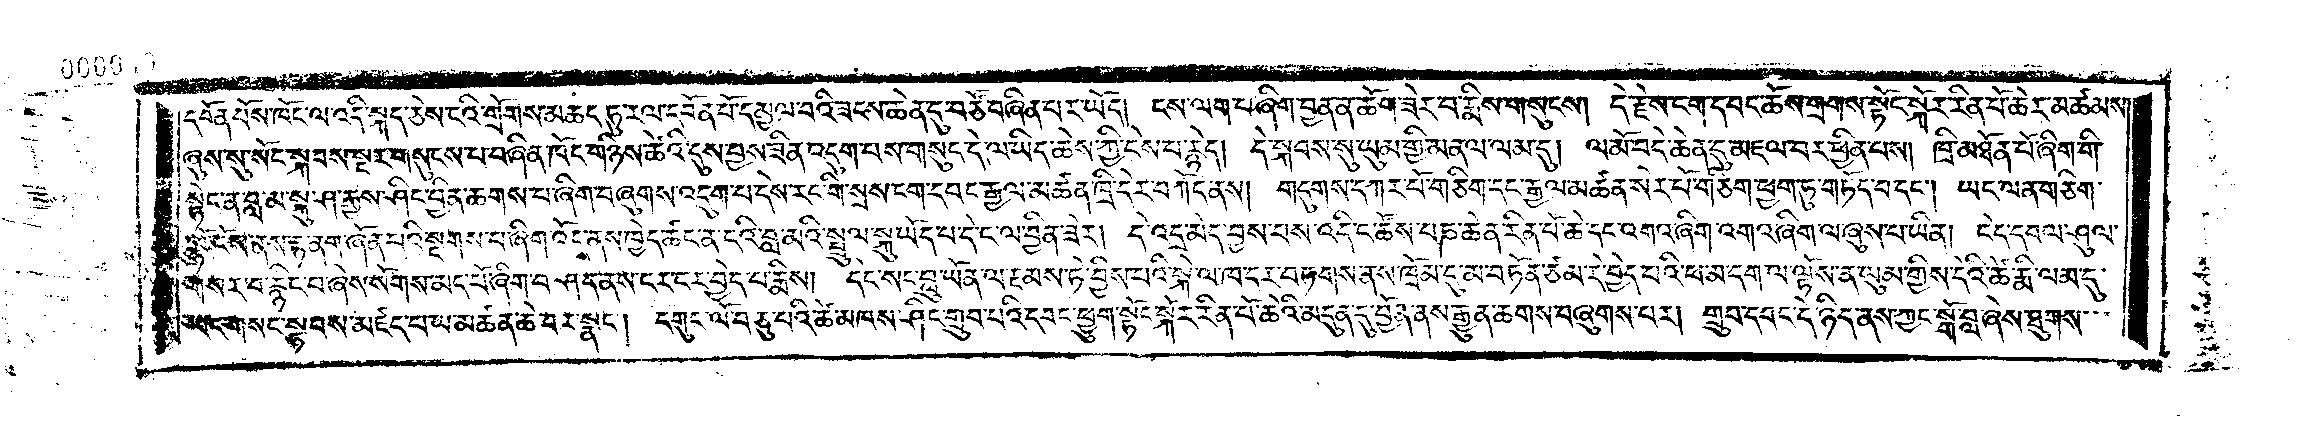དབོན་པོས་ཁོང་ལ་འདི་སྐད་ཅེས་ངའི་གྲོགས་མཆེད་ཏུ་རལ་དབོན་པོ་དམྱལ་བའི་ཟངས་ཆེན་དུ་བཙོ་བཞིན་པར་ཡོད། ངས་ལག་པ་ཞིག་བྱན་ན་ཆོག་ཟེར་བ་རྨིས་གསུངས། དེ་རྗེས་ངག་དབང་ཆོས་གྲགས་སྟོང་སྐོར་རིན་པོ་ཆེར་མཚམས་
ཞུས་སུ་སོང་སྐབས་སྔར་གསུངས་པ་བཞིན་ཁོང་གཉིས་ཚེའི་དུས་བྱས་ཟིན་འདུག་པས་གསུང་དེ་ལ་ཡིད་ཆེས་ཀྱི་ངེས་པ་རྙེད། དེ་སྐབས་སུ་ཡུམ་གྱི་མནལ་ལམ་དུ། ལ་མོ་བདེ་ཆེན་དུ་མཇལ་བར་ཕྱིན་པས། ཁྲི་མཐོན་པོ་ཞིག་གི་
སྟེང་ན་བླ་མ་སྐུ་ཤ་རྒྱས་ཤིང་བྱིན་ཆགས་པ་ཞིག་བཞུགས་འདུག་པ་དེས་རང་གི་སྲས་ངག་དབང་རྒྱལ་མཚན་ཁྲི་དེར་བཀོད་ནས། གདུགས་དཀར་པོ་གཅིག་དང་རྒྱལ་མཚན་སེར་པོ་གཅིག་ཕྱག་ཏུ་གཏོད་པ་དང་། ཡང་ལན་གཅིག་
ལྷོ་ངོས་ནས་རྟ་ན་གཞོན་པའི་སྔགས་པ་ཞིག་འོང་ནས་ཁྱེད་ཚང་ན་དའི་བླ་མའི་སྤྲུལ་སྐུ་ཡོད་པ་དེ་ང་ལ་བྱིན་ཟེར། དེ་འདྲ་མེད་བྱས་པས་འདི་ང་ཚོས་པཎ་ཆེན་རིན་པོ་ཆེ་དང་འགའ་ཞིག་འགའ་ཞིག་ལ་ཞུས་པ་ཡིན། ངེད་དཔལ་ཤུལ་
གསར་བ་རྙིང་བ་ཞེས་སོགས་མང་པོ་ཞིག་བཤད་ནས་ངར་ངར་བྱེད་པ་རྨིས། དེང་སང་བླུ་ཡོན་ལ་རྔམས་ཏེ་བྱིས་པའི་སྐེ་ལ་ཁ་ངར་བཏགས་ནས་ཁྲོམ་དུ་མ་བཏོན་ཙམ་རེ་བྱེད་པའི་ཕ་མ་དག་ལ་ལྟོས་ན་ཡུམ་གྱིས་དེའི་ཚེ་རྨི་ལམ་དུ་
ཡང་གསང་སྟབས་མཛད་པ་ཡ་མཚན་ཆེ་བར་སྣང་། དགུང་ལོ་བཅུ་པའི་ཚེ་མཁས་ཤིང་གྲུབ་པའི་དབང་ཕྱུག་སྟོང་སྐོར་རིན་པོ་ཆེའི་མདུན་དུ་བྱོན་ནས་རྒྱུན་ཆགས་བཞུགས་པར། གྲུབ་དབང་དེ་ཉིད་ནས་ཀྱང་སྒོ་བླ་ཞེས་ཐུགས་